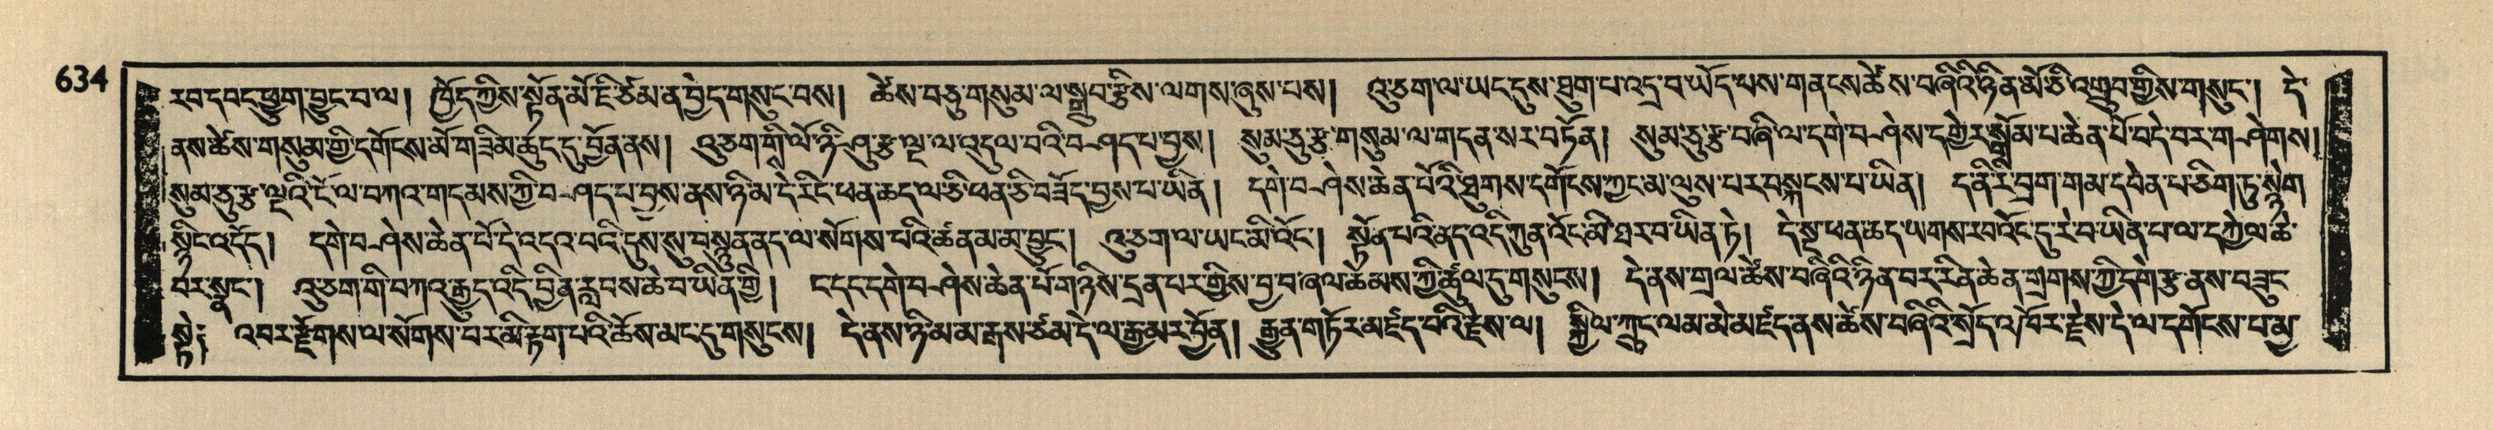རབ་དབང་ཕྱུག་བྱུང་བ་ལ། ཁྱོད་ཀྱིས་སྟོན་མོ་ཇི་ཙམ་ན་བྱེད་གསུང་བས། ཚེས་བཅུ་གསུམ་ལ་སྒྲུབ་རྩིས་ལགས་ཞུས་པས། འུ་ཅག་ལ་ཡང་དུས་ཐུག་པ་འདྲ་བ་ཡོད་པས་གནངས་ཚེས་བཞིའི་ཉིན་མོ་ཅི་འགྲུབ་གྱིས་གསུང་། དེ་
ནས་ཚེས་གསུམ་གྱི་དགོངས་མོ་གཟིམ་ཆུད་དུ་བྱོན་ནས། འུ་ཅག་གིས་ལོ་ཉི་ཤུ་རྩ་ལྔ་ལ་འདུལ་བའི་བཤད་པ་བྱས། སུམ་ཅུ་རྩ་གསུམ་ལ་གདན་སར་བཏོན། སུམ་ཅུ་རྩ་བཞི་ལ་དགེ་བཤེས་དགྱེར་སྒྲོམ་པ་ཆེན་པོ་བདེ་བར་གཤེགས།
སུམ་ཅུ་རྩ་ལྔའི་ངོ་ལ་བཀའ་གདམས་ཀྱི་བཤད་པ་བྱས་ནས་ཉི་མ་དེ་རིང་ཕན་ཆད་ལ་ཅི་ཕན་ཅི་བཟོད་བྱས་པ་ཡིན། དགེ་བཤེས་ཆེན་པོའི་ཐུགས་དགོངས་ཀྱང་མ་ལུས་པར་བསྐངས་པ་ཡིན། ད་ནི་རི་བྲག་གམ་དབེན་པ་ཅིག་ཏུ་སྙེག་
སྙིང་འདོད། དགེ་བཤེས་ཆེན་པོ་དེ་འདའ་བའི་དུས་སུ་བསྙུན་ནད་ལ་སོགས་པའི་ཚན་མ་མ་བྱུང་། འུ་ཅག་ལ་ཡང་མི་འོང་། སྟོན་པའི་ནད་འདི་ཀུན་འོད་མི་ཐར་བ་ཡིན་ཏེ། དེ་སྔ་ཕན་ཆད་ཡགས་རབ་འོང་དུ་རེ་བ་ཡིན་པ་ལ་དཀྱེལ་ཆེ་
བར་སྣང་། འུ་ཅག་གི་བཀའ་རྒྱུད་འདི་བྱིན་རླབས་ཆེ་བ་ཡིན་གྱི། ང་དང་དགེ་བཤེས་ཆེན་པོ་གཉིས་དྲན་པར་གྱིས་བྱ་བ་ཞལ་ཆེམས་ཀྱི་ཚུལ་དུ་གསུངས། དེ་ནས་གྲལ་ཚེས་བཞིའི་ཉིན་བར་རིན་ཆེན་གྲགས་ཀྱི་དགེ་རྩ་ནས་བཟུང་
སྟེ༑ འབར་རྫོགས་ལ་སོགས་བར་མི་རྟག་པའི་ཆོས་མང་དུ་གསུངས། དེ་ནས་ཉི་མ་མ་རྒས་ཙམ་དེ་ལ་རྒྱ་མར་བྱོན། རྒྱུན་གཏོར་མཛད་བའི་རྗེས་ལ། སྐྱིལ་ཀྲུང་ལམ་མེ་མཛད་ནས་ཚེས་བཞིའི་སྲོད་འཁོར་རྗེས་དེ་ལ་དགོངས་པ་མྱ་